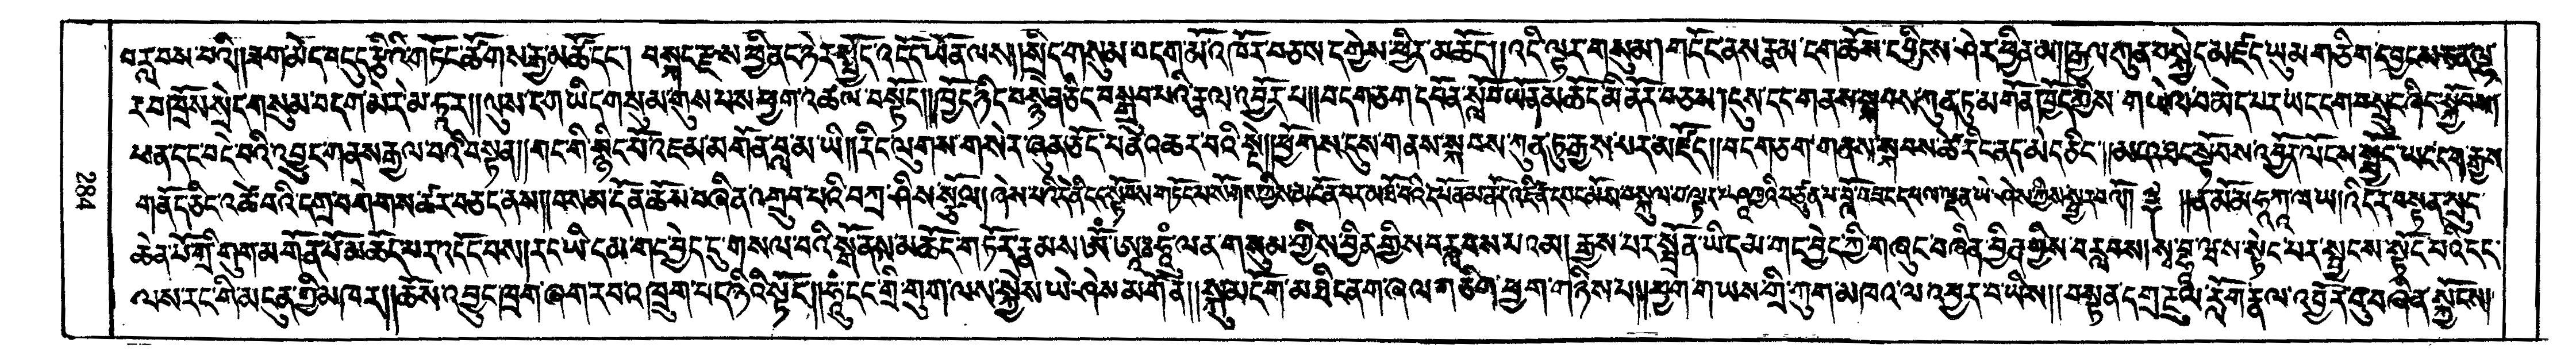བརླབས་པའི། །ཟག་མེད་བདུད་རྩིའི་གཏོར་ཚོགས་རྒྱ་མཚོ་དང་། །བསྐང་རྫས་ཕྱི་ནང་ཉེར་སྤྱོད་འདོད་ཡོན་ལྔས། །སྲིད་གསུམ་བདག་མོ་འཁོར་བཅས་དགྱེས་ཕྱིར་མཆོད། །འདི་ལན་གསུམ། གདོད་ནས་རྣམ་དག་ཆོས་དབྱིངས་ཤེར་ཕྱིན་མ། །རྒྱལ་ཀུན་བསྐྱེད་མཛད་ཡུམ་གཅིག་དབྱངས་ཅན་ལྷ་
རབ་ཁྲོས་སྲིད་གསུམ་བདག་མོ་རམ་ཏཱིར། །ལུས་ངག་ཡིད་གསུམ་གུས་པས་ཕྱག་འཚལ་བསྟོད། །ཁྱོད་ཉིད་བསྙེན་ཅིང་བསྒྲུབ་པའི་རྣལ་འབྱོར་པ། །བདག་ཅག་དཔོན་སློབ་ཡོན་མཆོད་མི་ནོར་བཅས། །དུས་དང་གནས་སྐབས་ཀུན་ཏུ་མགོན་ཁྱོད་ཀྱིས། །གཡེལ་བ་མེད་པར་ཡང་དག་བསྲུང་ཞིང་སྐྱོབས།།
ཕན་དང་བདེ་བའི་འབྱུང་གནས་རྒྱལ་བའི་བསྟན། །གང་གི་སྙིང་པོ་འཇམ་མགོན་བླ་མ་ཡི། །རིང་ལུགས་གསེར་ཞུན་ཅོད་པན་འཆང་བའི་སྡེ། །ཕྱོགས་དུས་གནས་སྐབས་ཀུན་ཏུ་རྒྱས་པར་མཛོད། །བདག་ཅག་གནས་སྐབས་ཚེ་རིང་ནད་མེད་ཅིང་། །མངའ་ཐང་སྟོབས་འབྱོར་ལོངས་སྤྱོད་ཡང་དག་རྒྱས་
གནོད་ཅིང་འཚེ་བའི་དགྲ་བགེགས་ཚར་བཅད་ནས། །བསམ་དོན་ཆོས་བཞིན་འགྲུབ་པའི་བཀྲ་ཤིས་སྩོལ། ཞེས་པ་འདི་ནི་དད་སྟོབས་གཏོང་བ་སོགས་ཀྱིས་མངོན་པར་མཐོ་བའི་དཔོན་མོ་ནོར་འཛིན་དབང་མོས་བསྐུལ་བ་ལྟར་ཤཱཀྱའི་བཙུན་པ་བློ་བཟང་དཔལ་ལྡན་ཡེ་ཤེས་ཀྱིས་སྦྱར་བའོ།། ༈ །།ན་མོ་མཧཱ་ཀཱ་ལཱ་ཡ་།འདིར་བསྟན་སྲུང་
ཆེན་པོ་གྲི་གུག་མགོན་པོ་མཆོད་པར་འདོད་པས། རང་ཡི་དམ་གང་བྱེད་དུ་གསལ་བའི་སྒོ་ནས་མཆོད་གཏོར་རྣམས་ཨོཾ་ཨཱཿཧཱུཾ་ལན་གསུམ་གྱིས་བྱིན་གྱིས་བརླབས་པའམ། རྒྱས་པར་སྤྲོ་ན་ཡི་དམ་གང་བྱེད་ཀྱི་གཞུང་བཞིན་བྱིན་གྱིས་བརླབས། སྭབྷཱ་ཝས་སྟོང་པར་སྦྱངས། སྟོང་པའི་ངང་
ལས་རང་གི་མདུན་གྱི་མཁར། །ཆོས་འབྱུང་ཁྲག་ཞག་རབ་འཁྲུག་པད་ཉིའི་སྟེང་། །ཧཱུཾ་དང་གྲི་གུག་ལས་སྐྱེས་ཡེ་ཤེས་མགོན། །སྐུ་མདོག་མཐིང་ནག་ཞལ་གཅིག་ཕྱག་གཉིས་པ། །ཕྱག་གཡས་གྲི་གུག་མཁའ་ལ་འཕྱར་བ་ཡིས། །བསྟན་དགྲ་རྡུལ་རློག་རྣལ་འབྱོར་བུ་བཞིན་སྐྱོངས།།